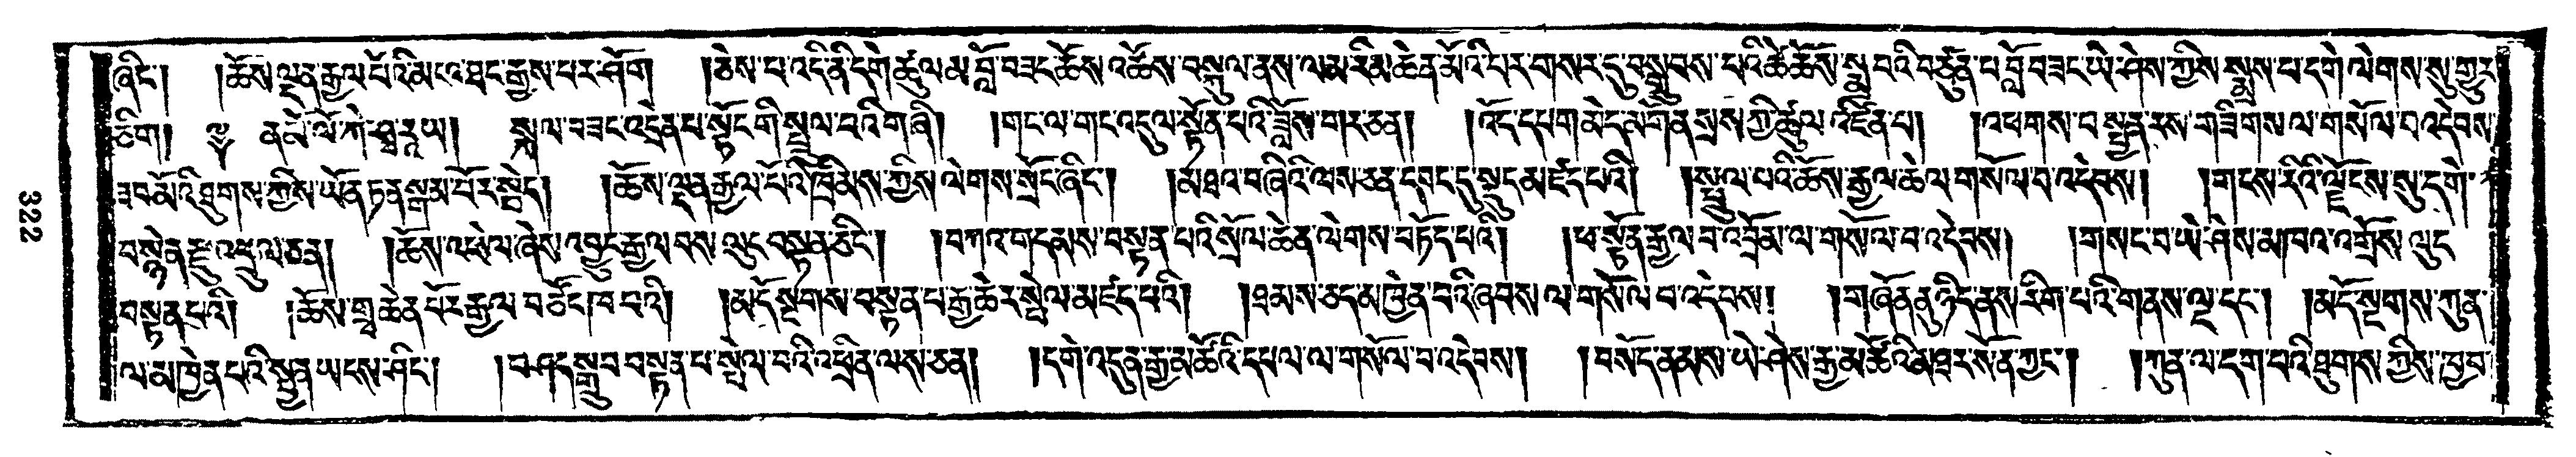ཞིང་། །ཆོས་ལྡན་རྒྱལ་པོའི་མངའ་ཐང་རྒྱས་པར་ཤོག །ཅེས་པ་འདི་ནི་དགེ་ཚུལ་མ་བློ་བཟང་ཆོས་འཚོས་བསྐུལ་ནས་ལམ་རིམ་ཆེན་མོའི་པར་གསར་དུ་བསྒྲུབས་པའི་ཚེ་ཆོས་སྨྲ་པའི་བཙུན་པ་བློ་བཟང་ཡེ་ཤེས་ཀྱིས་སྨྲས་པ་དགེ་ལེགས་སུ་གྱུར་
ཅིག། ༈ ན་མོ་ལོ་ཀེ་ཤྭ་རཱ་ཡ། སྐལ་བཟང་འདྲེན་པ་སྟོང་གི་སྤྲུལ་པའི་གཞི། །གང་ལ་གང་འདུལ་སྟོན་པའི་ཟློས་གར་ཅན། །འོད་དཔག་མེད་མགོན་སྲས་ཀྱི་ཚུལ་འཛིན་པ། །འཕགས་བ་སྤྱན་རས་གཟིགས་ལ་གསོལ་བ་འདེབས་
ཟབ་མོའི་ཐུགས་ཀྱིས་ཡོན་ཏན་སྒམ་པོར་སྦེད། །ཆོས་ལྡན་རྒྱལ་པོའི་ཁྲིམས་ཀྱིས་ལེགས་སྲོང་ཞིང་། །མཐའ་བཞིའི་ལས་ཅན་དབང་དུ་སྡུད་མཛད་པའི། །སྤྲུལ་པའི་ཆོས་རྒྱལ་ཆེ་ལ་གསོལ་བ་འདེབས། །གངས་རིའི་ལྗོངས་སུ་དགེ་
བསྙེན་རྫུ་འཕྲུལ་ཅན། །ཆོས་འཕེལ་ཞེས་འབྱུང་རྒྱལ་བས་ལུང་བསྟན་ཅིང་། །བཀའ་གདམས་བསྟན་པའི་སྲོལ་ཆེན་ལེགས་བཏོད་པའི། །ཕ་སྟོན་རྒྱལ་བ་འབྲོམ་ལ་གསོལ་བ་འདེབས། །གསང་བ་ཡེ་ཤེས་མཁའ་འགྲོས་ལུང་
བསྟན་པའི། །ཆོས་གྲྭ་ཆེན་པོར་རྒྱལ་བ་ཙོང་ཁ་བའི། །མདོ་སྔགས་བསྟན་པ་རྒྱ་ཆེར་སྤེལ་མཛད་པའི། །ཐམས་ཅད་མཁྱེན་པའི་ཞབས་ལ་གསོལ་བ་འདེབས། །གཞོན་ནུ་ཉིད་ནས་རིག་པའི་གནས་ལྔ་དང་། །མདོ་སྔགས་ཀུན་
ལ་མཁྱེན་པའི་སྤྱན་ཡངས་ཤིང་། །བཤད་སྒྲུབ་བསྟན་པ་སྤེལ་བའི་འཕྲིན་ལས་ཅན། །དགེ་འདུན་རྒྱ་མཚོའི་དཔལ་ལ་གསོལ་བ་འདེབས། །བསོད་ནམས་ཡེ་ཤེས་རྒྱ་མཚོའི་མཐར་སོན་ཀྱང་། །ཀུན་ལ་དག་པའི་ཐུགས་ཀྱིས་ཁྱབ་